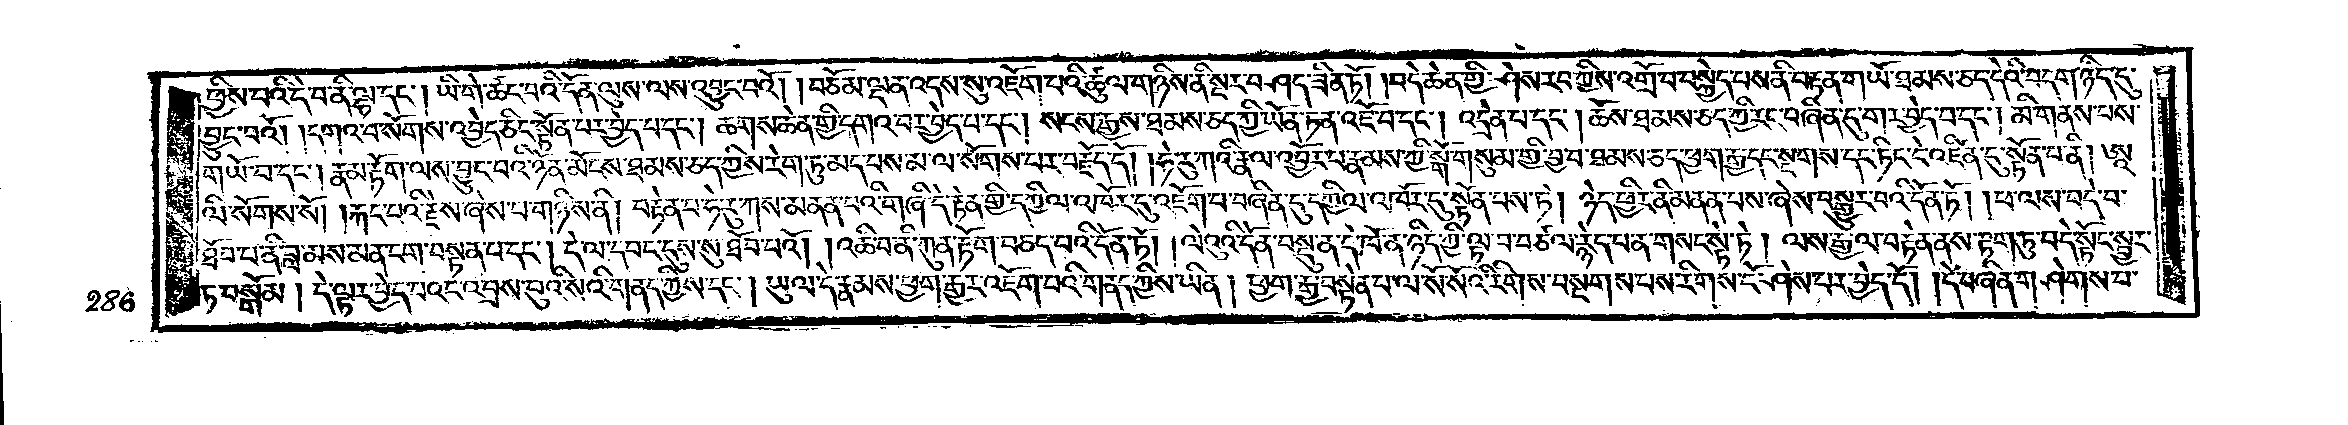ཕྱིས་པའི་དེ་བ་ནི་ལྷ་དང་། ཡི་གེ་ཚང་བའི་དོན་ལུས་ལས་འབྱུང་བའོ། །བཅོམ་ལྡན་འདས་སུ་འཇོག་པའི་ཚུལ་གཉིས་ནི་སྔར་བཤད་ཟིན་ཏོ། །བདེ་ཆེན་གྱི་ཤེས་རབ་ཀྱིས་འགྲོ་བ་བསྐྱེད་པས་ནི་བརྟན་གཡོ་ཐམས་ཅད་དེའི་བདག་ཉིད་དུ་
བྱུང་བའོ། །དགའ་བ་སོགས་འབྱེད་ཅིང་སྟོན་པར་བྱེད་པ་དང་། ཆགས་ཆེན་གྱི་དགའ་བར་བྱེད་པ་དང་། སངས་རྒྱས་ཐམས་ཅད་ཀྱི་ཡོན་ཏན་འཇོ་བ་དང་། འདྲེན་པ་དང་། ཆོས་ཐམས་ཅད་ཀྱི་རང་བཞིན་དུ་གར་བྱེད་པ་དང་། མི་གནས་པས་
གཡོ་བ་དང་། རྣམ་རྟོག་ལས་བྱུང་བའི་ཉོན་མོངས་ཐམས་ཅད་ཀྱིས་རེག་ཏུ་མེད་པས་མ་ལ་སོགས་པར་བརྗོད་དོ། །ཧེ་རུ་ཀའི་རྣལ་འབྱོར་པ་རྣམས་ཀྱི་སྒོ་གསུམ་གྱི་བྱ་བ་ཐམས་ཅད་ཕྱག་རྒྱ་དང་སྔགས་དང་ཏིང་ངེ་འཛིན་དུ་སྟོན་པ་ནི། ཨཱ་
ལི་སོགས་སོ། །རྐང་པའི་རྗེས་ཞེས་པ་གཉིས་ནི། བརྟེན་པ་ཧེ་རུ་ཀས་མནན་པའི་གཞི་དེ་རྟེན་གྱི་དཀྱིལ་འཁོར་དུ་འཇོག་པ་བཞིན་དུ་དཀྱིལ་འཁོར་དུ་སྟོན་པས་ཏེ། ཉེད་ཕྱིར་ནི་མནན་པས་ཞེས་བསྒྱུར་བའི་དོན་ཏོ། །ཕ་ལས་བདེ་བ་
ཐོབ་པ་ནི་བླ་མས་མན་ངག་བསྟན་པ་དང་། དེ་ལ་དབང་དུས་སུ་ཐོབ་པའོ། །འཆི་བ་ནི་ཀུན་རྟོག་བཅད་པའི་དོན་ཏོ། །ལེའུའི་དོན་བསྡུ་ན་དེ་ཁོ་ན་ཉིད་ཀྱི་ལྟ་བ་བཙལ་རྙེད་པ་ན་གསང་སྟེ་ཏེ། ལས་རྒྱ་ལ་བརྟེན་ནས་རྟག་ཏུ་བདེ་སྟོང་སྦྱར་
ཏེ་བསྒོམ། དེ་ལྟར་བྱེད་པའང་འབྲས་བུའི་སའི་གནད་ཀྱིས་དང་། ཡུལ་དེ་རྣམས་ཕྱག་རྒྱར་འཇོག་པའི་གནད་ཀྱིས་ཡིན། ཕྱག་རྒྱ་བསྟེན་པ་ལ་སོ་སོའི་རིགས་བསྔགས་པས་རིགས་ངོ་ཤེས་པར་བྱེད་དོ། །དེ་བཞིན་གཤེགས་པ་